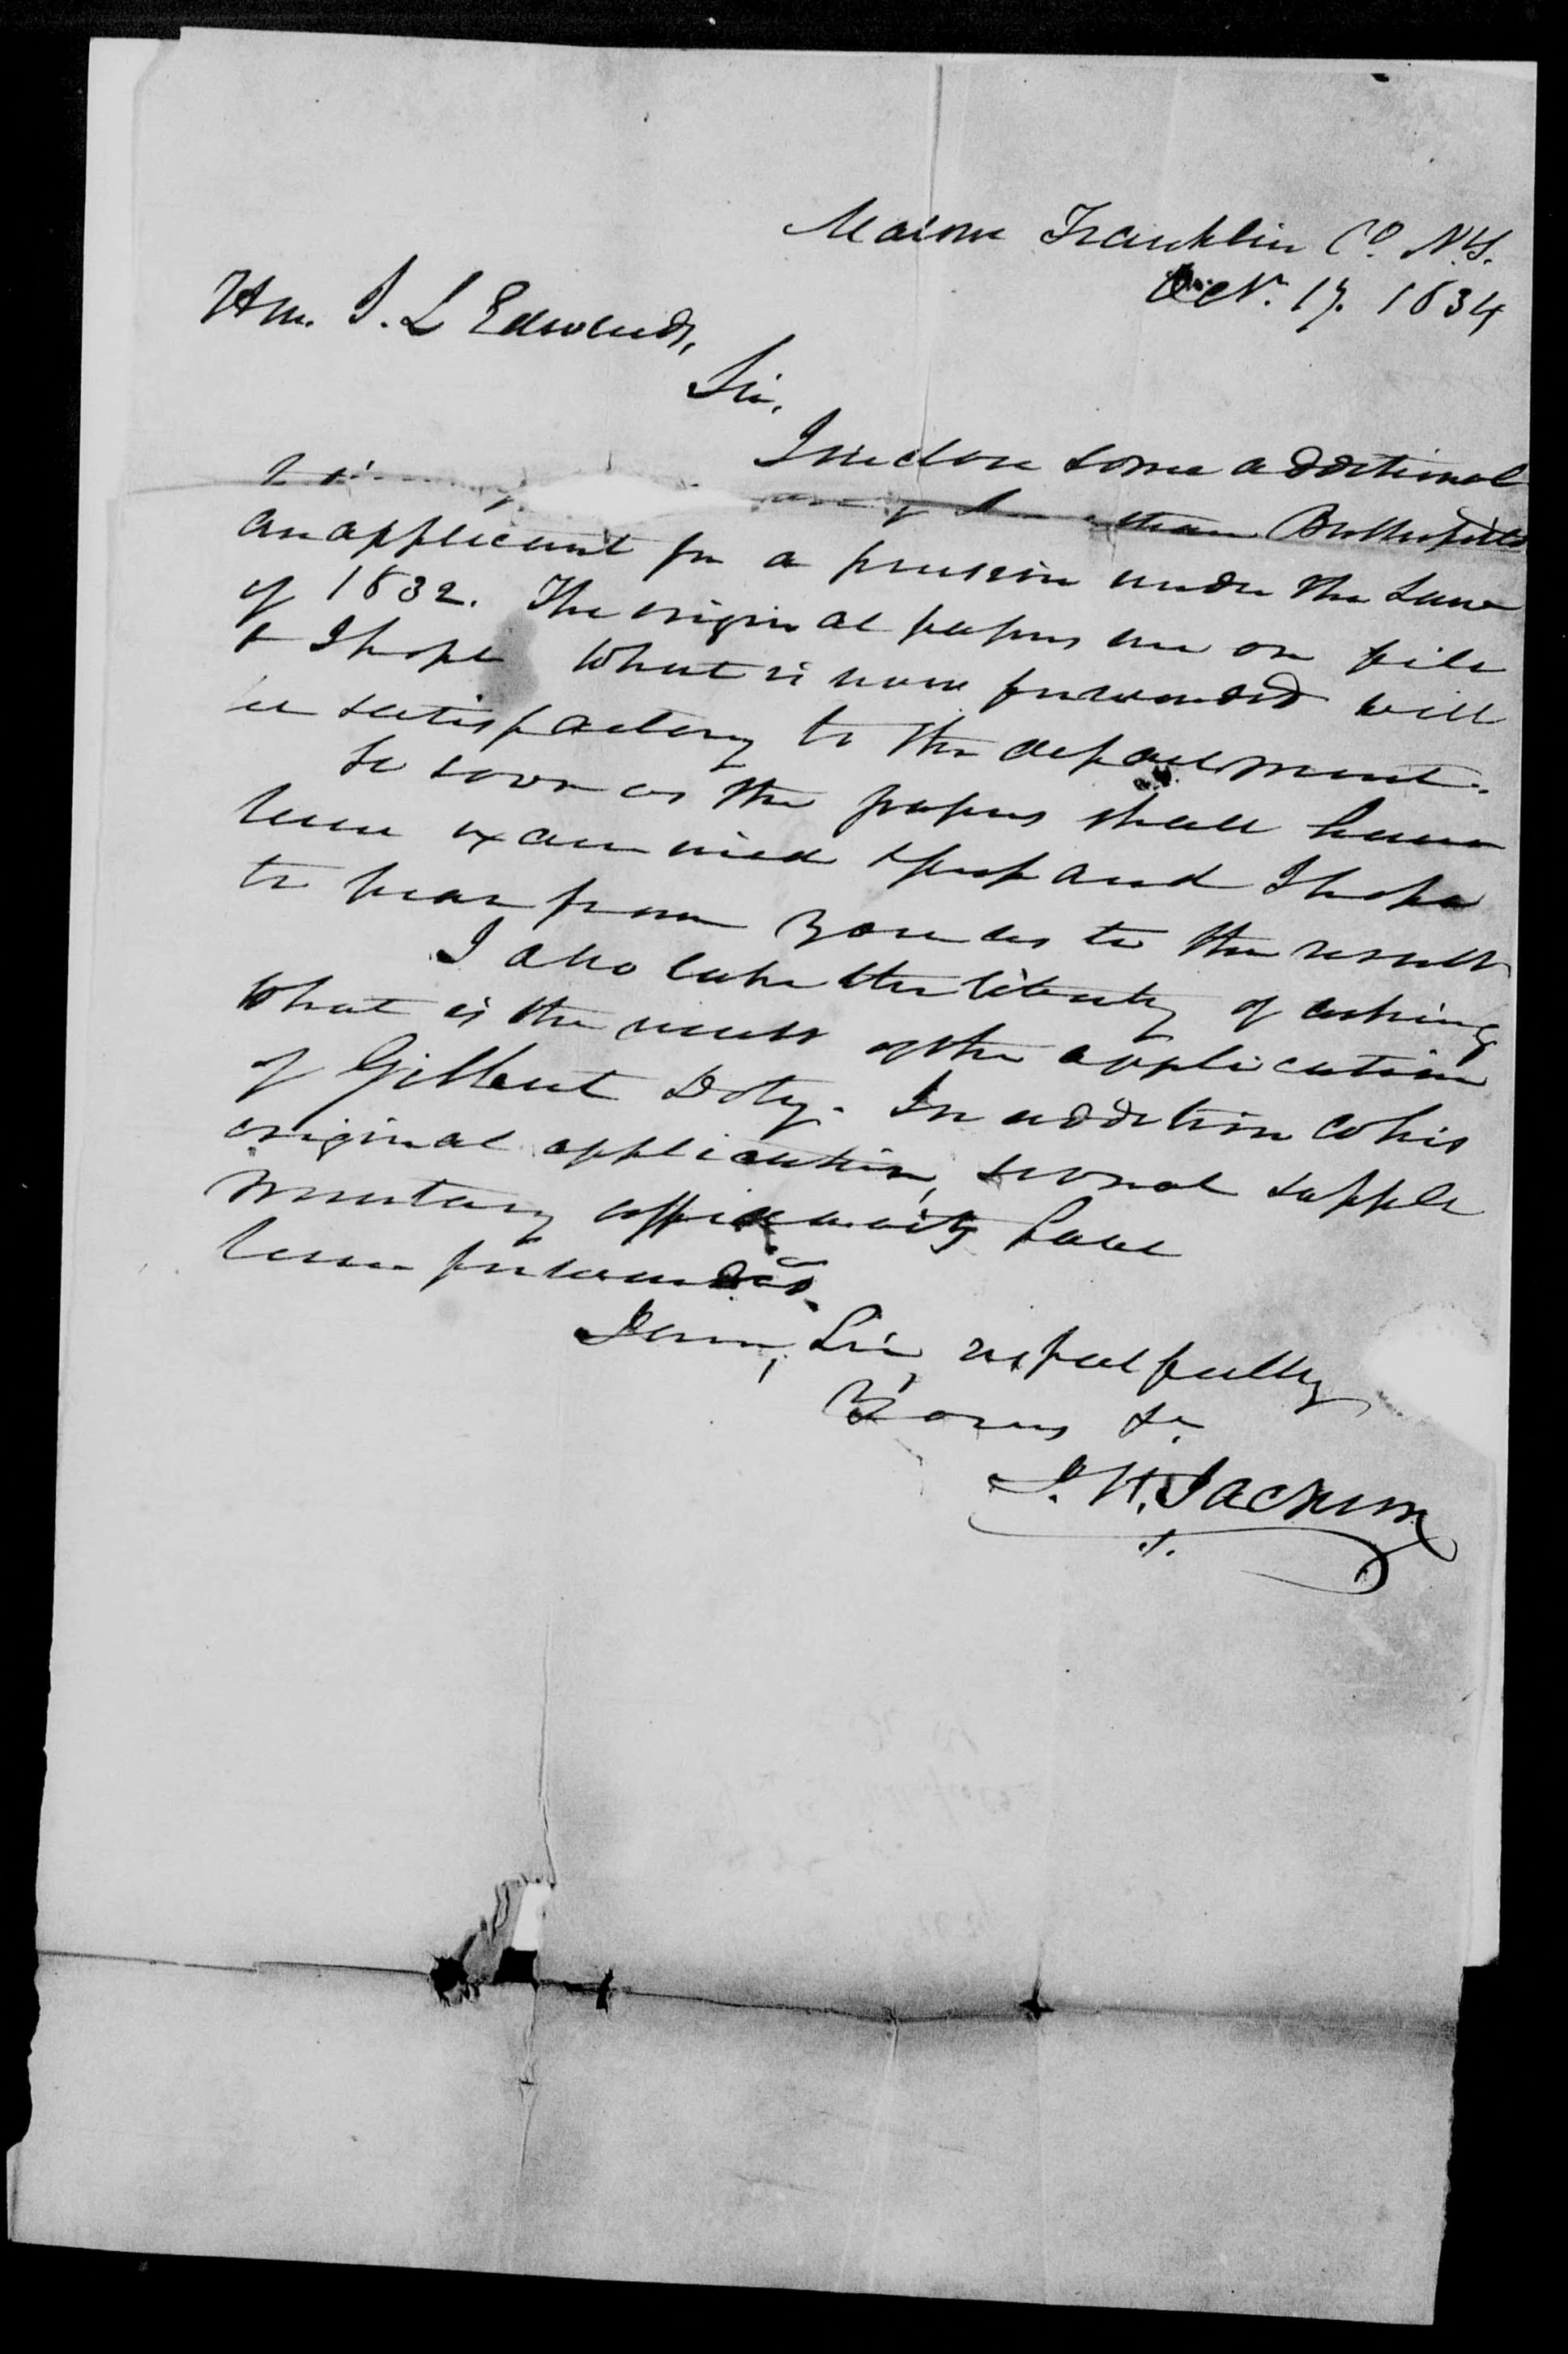Maron Franklin Co. N.Y.
Oct 17, 1834

Hon J.L. Edward
Enclosed is some additional _____
for Jonathan Butterfield an applicant 
for a pension under the Act of 1832. The original papers are on file and 
I hope what is now forwarded will be
satisfactory to the deponent soon as the papers shall have to be examined and I hope to hear from you as to the result.
I also do take the liberty of asking
What is the result of the application
of Gilbert Doty. In addition to this
original application several supplementary affidavits have been forwarded.

I am Sir, respectfully yours

J. H. Jackson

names: Gilbert Doty, J H Jackson, J L Edwards, Jonathan Butterfield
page: 27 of 40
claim: rejected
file: R. 1558, Jonathan Butterfield, Mass. Vt.